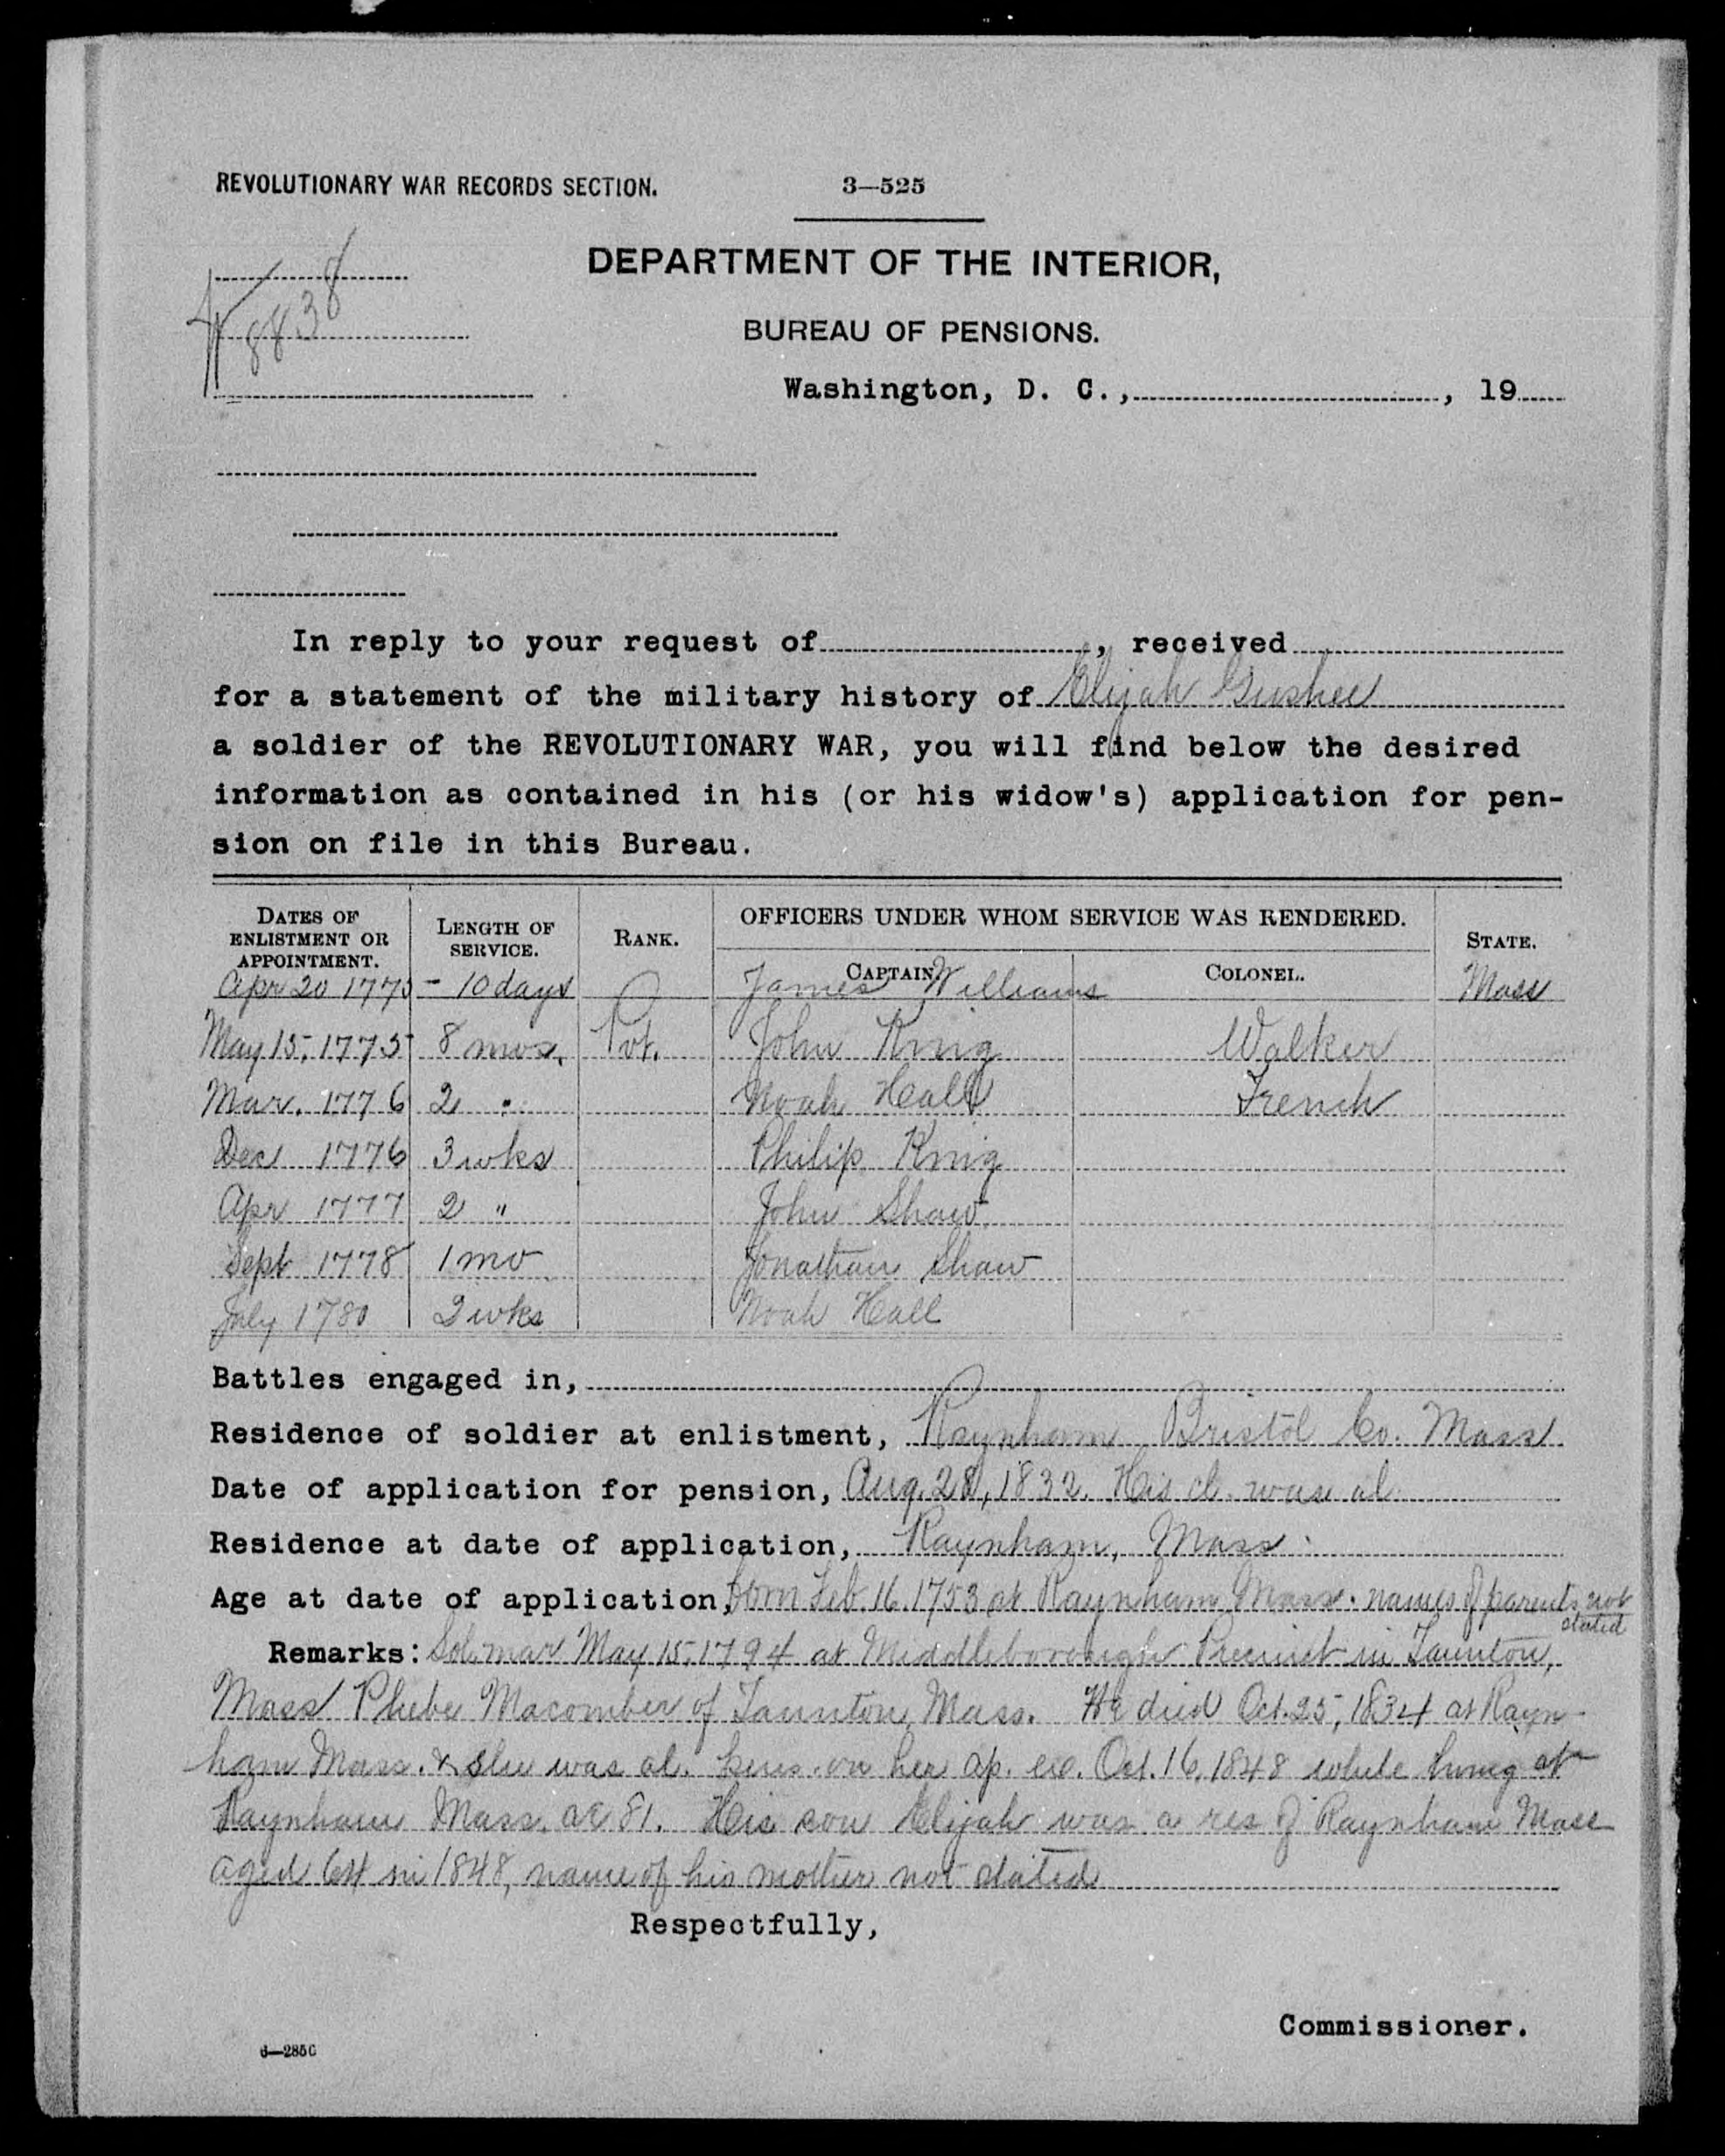REVOLUTIONARY WAR RECORDS SECTION.
3 -- 525
DEPARTMENT OF THE INTERIOR.
BUREAU OF PENSIONS.
Washington, D. C.,_________19_______

In reply to your request of for a statement of the military history of Elijah Gushee  a soldier of the REVOLUTIONARY WAR, you will find below the desired information as contained in his (or his widow's) application for pension on file in this Bureau.

DATES OF ENLISTMENT OR APPOINTMENT.
Apr 20 1774
May 15, 1775.
Mar. 1776
Dec. 1776
Apr 1777
Sept 1778
July 1780

LENGTH OFSERVICE.
10 days
8 mos.
2 mos.
3 wks
2 wks
1 mo
2 wks

RANK.
Pvt.

OFFICERS UNDER WHOM SERVICE WAS RENDERED.
CAPTAIN
James Williams
John King
Noah Hall
Philip King
John Shaw
Jonathan Shaw
Noah Hall

COLONEL.
Walker
French

STATE.
Mass

Battles engaged in,_________________________

Residence of soldier at enlistment, Rayham Bristol Co. Mass

Date of application for pension, Aug 28, 1832. His cl. was al

Residence at date of application Raynham, Mass.

Age at date of application or Feb 16. 1753 at Raynham Mass. names of parent stated

Remarks: Sol. mar May 15, 1794 at Middleborough Precinct  in Taunton, Mass Phebe Macomber of Taunton Mass. He died Oct. 25, 1834 at Raynham, Mass. & she [illegible] Oct. 16, 1848 while [illegible] Raynham Mass. at 81. His son Elijah was a res of Raynham Mass aged 64 in 1848, name of his mother not stated
Respectfully,
Commissioner.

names: John Shaw, Philip King, Phebe Macomber, Jonathan Shaw, John King, Walker, Noah Hall, Noah Hall, James Williams, Elijah, French, Elijah Gushee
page: 20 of 36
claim: widow's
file: W. 8838, Elijah Gushee, Mass.